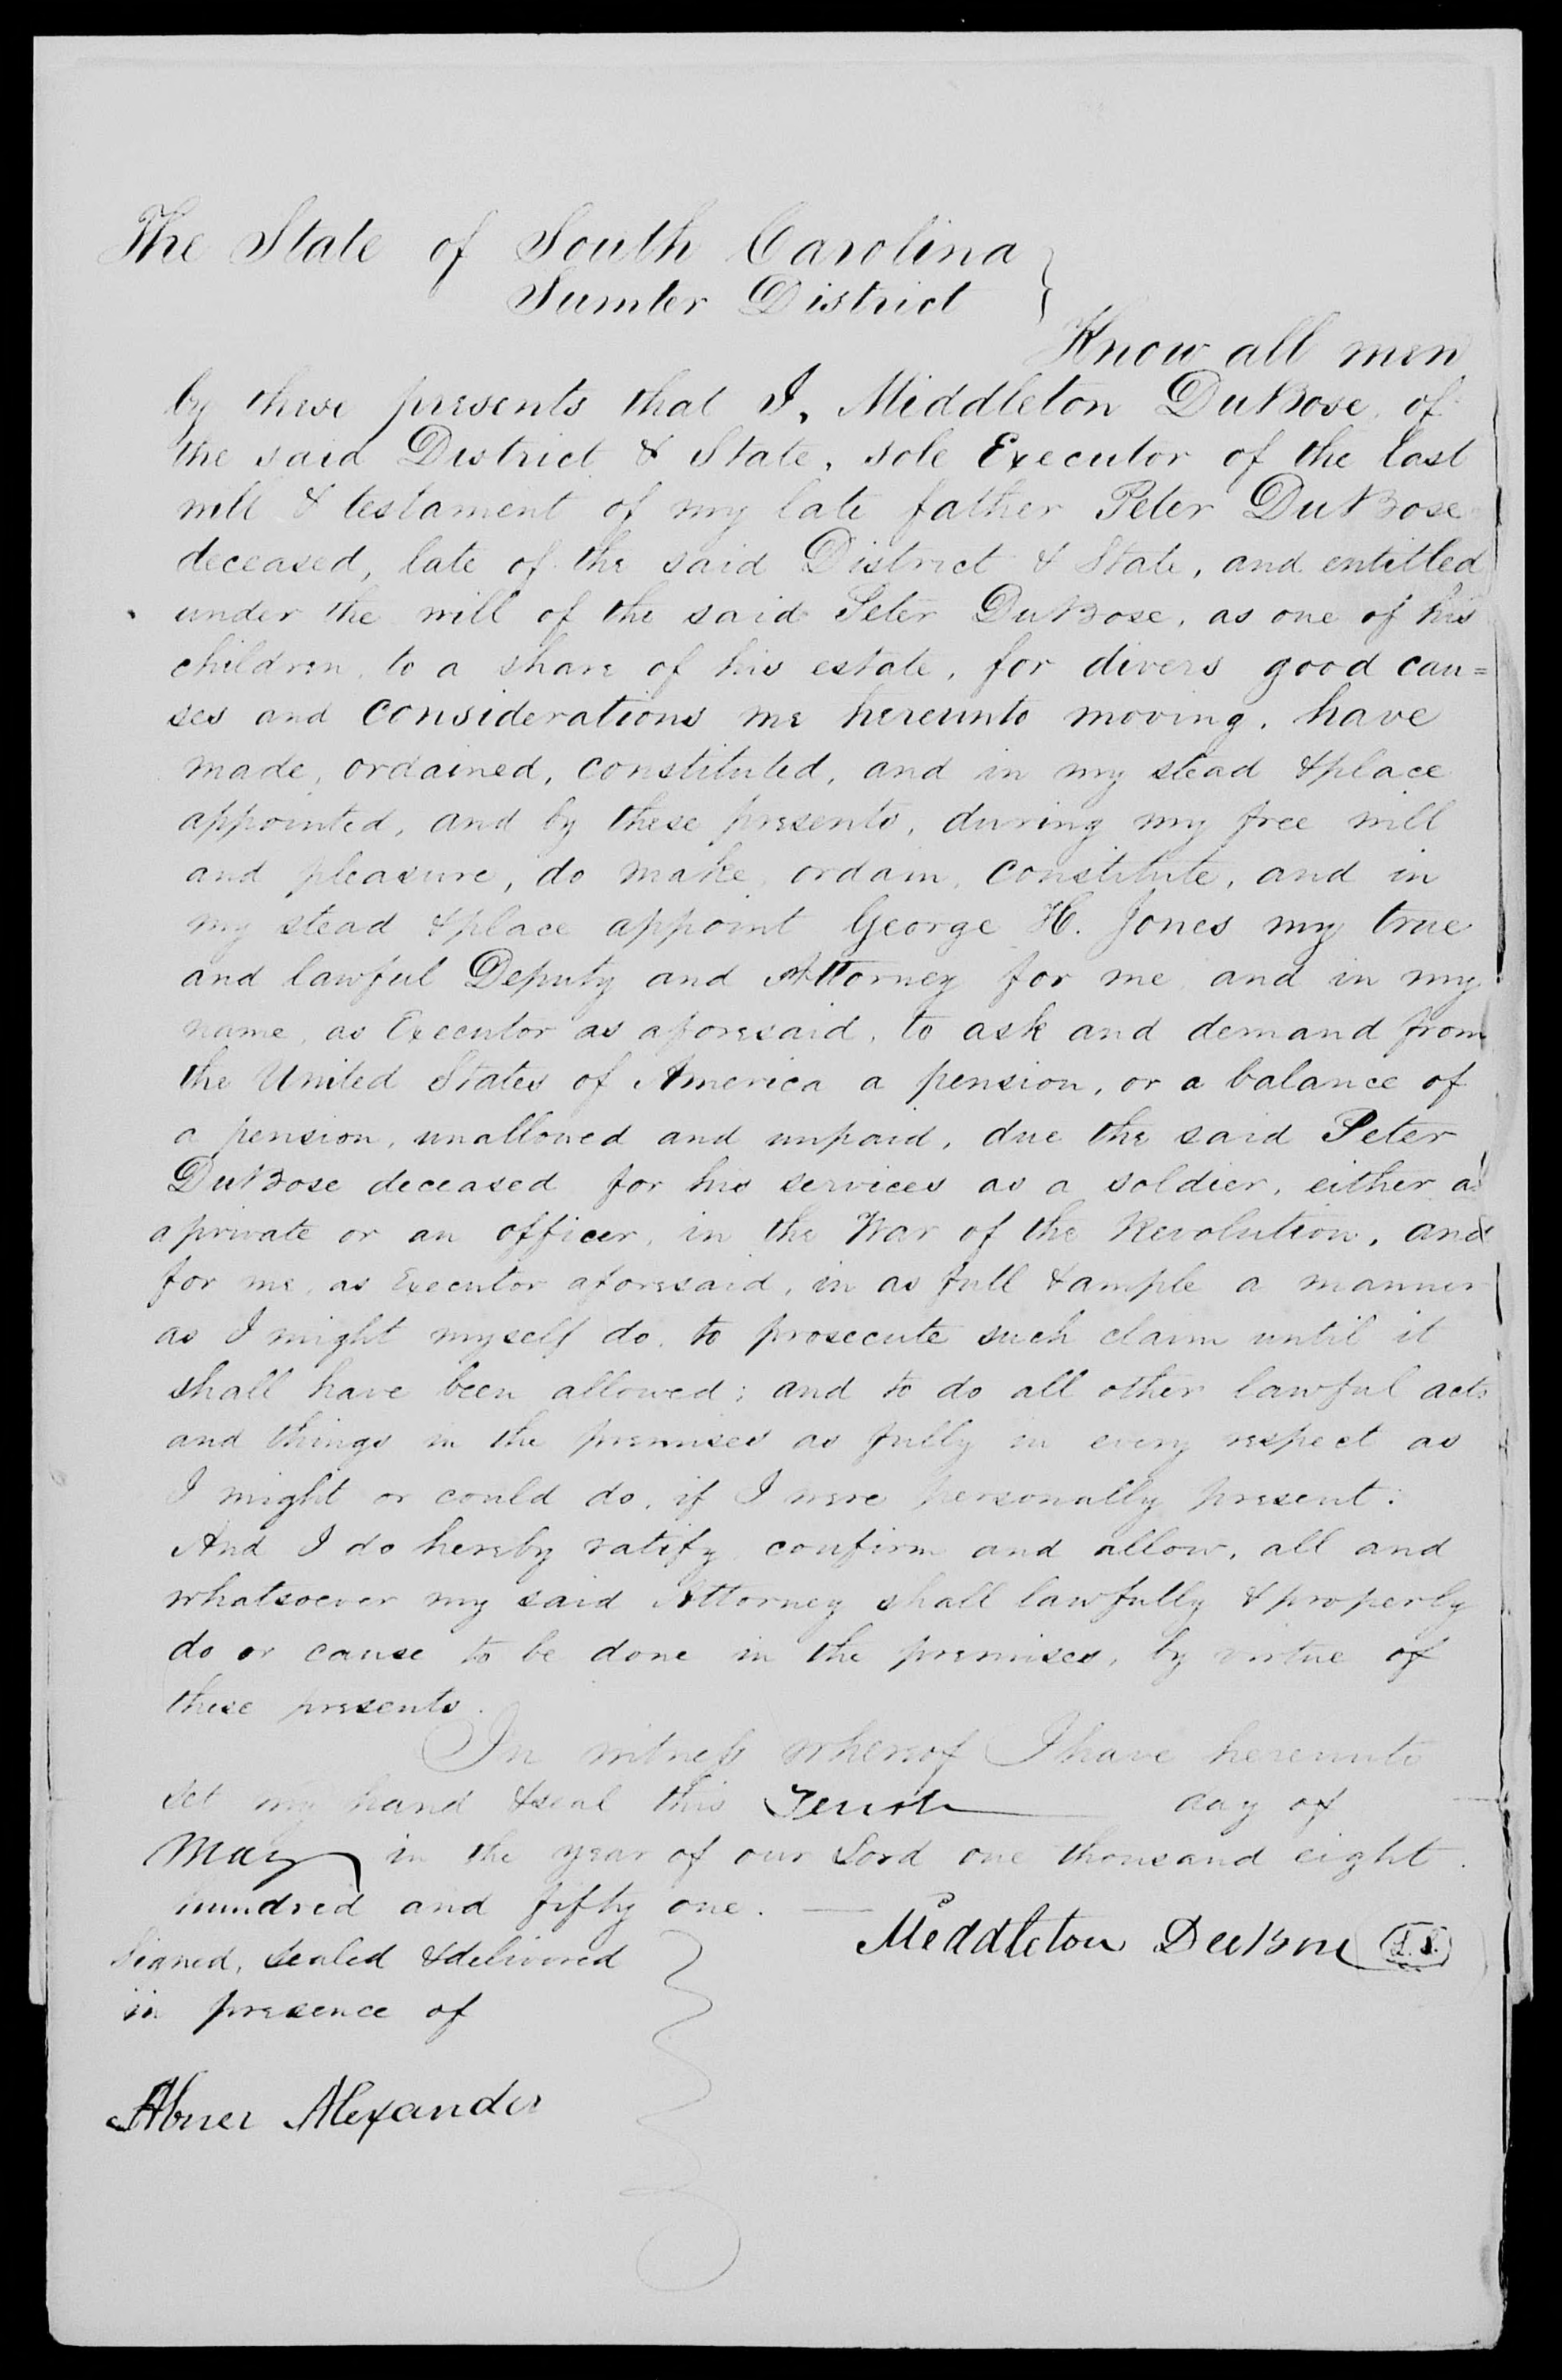The State of South Carolina
Sumter District

Know all men by these presents that I, Middleton Du Bose of the said District & stat, Sole Executor of the last will & testament of my late father Peter DuBose deceased, late of the said District & State, and entitled under the will of the said Peter Dubose, as one of his children, to a share of his estate, for divers good causes and considerations me hereunto moving, have made, ordained, constituted, and in my stead & place appointed, and by these presents, during my free will and pleasure, do make, ordain, constitute, and in my stead & place appoint George H. Jones my true and lawful Deputy and Attorney for me and in my name, as Executor as aforesaid, to ask and demand from the United States of America a pension, or a balance of a pension, unallowed and unpaid, due the said Peter
DuBose deceased for his services as a soldier, either as a private or an officer, in the War of the Revolution, and for me, as Executor aforesaid, in as full & ample a manner as I might myself do to prosecute such claim until it shall have been allowed; and to do all other lawful acts and things in the premises as fully in every respect as I might or could do, if I were personally present. And I do hereby ratify confirm and allow all and whatsoever my said Attorney shall lawfully & property do or cause to be done in the premises, by virtue of these presents.
In witness whereof I have hereunto in the year of our Lord one thousand eight hundred and fifty one - 
Middleton DuBose

Signed, Sealed & delivered
Abner Alexander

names: Abner Alexander, Peter Du Bose, Middleton Du Bose, Middleton Du Bose, George H Jones, Peter Du Bose, Peter Du Bose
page: 5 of 43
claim: survivor's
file: S. 21163, Peter Dubose, S.C.